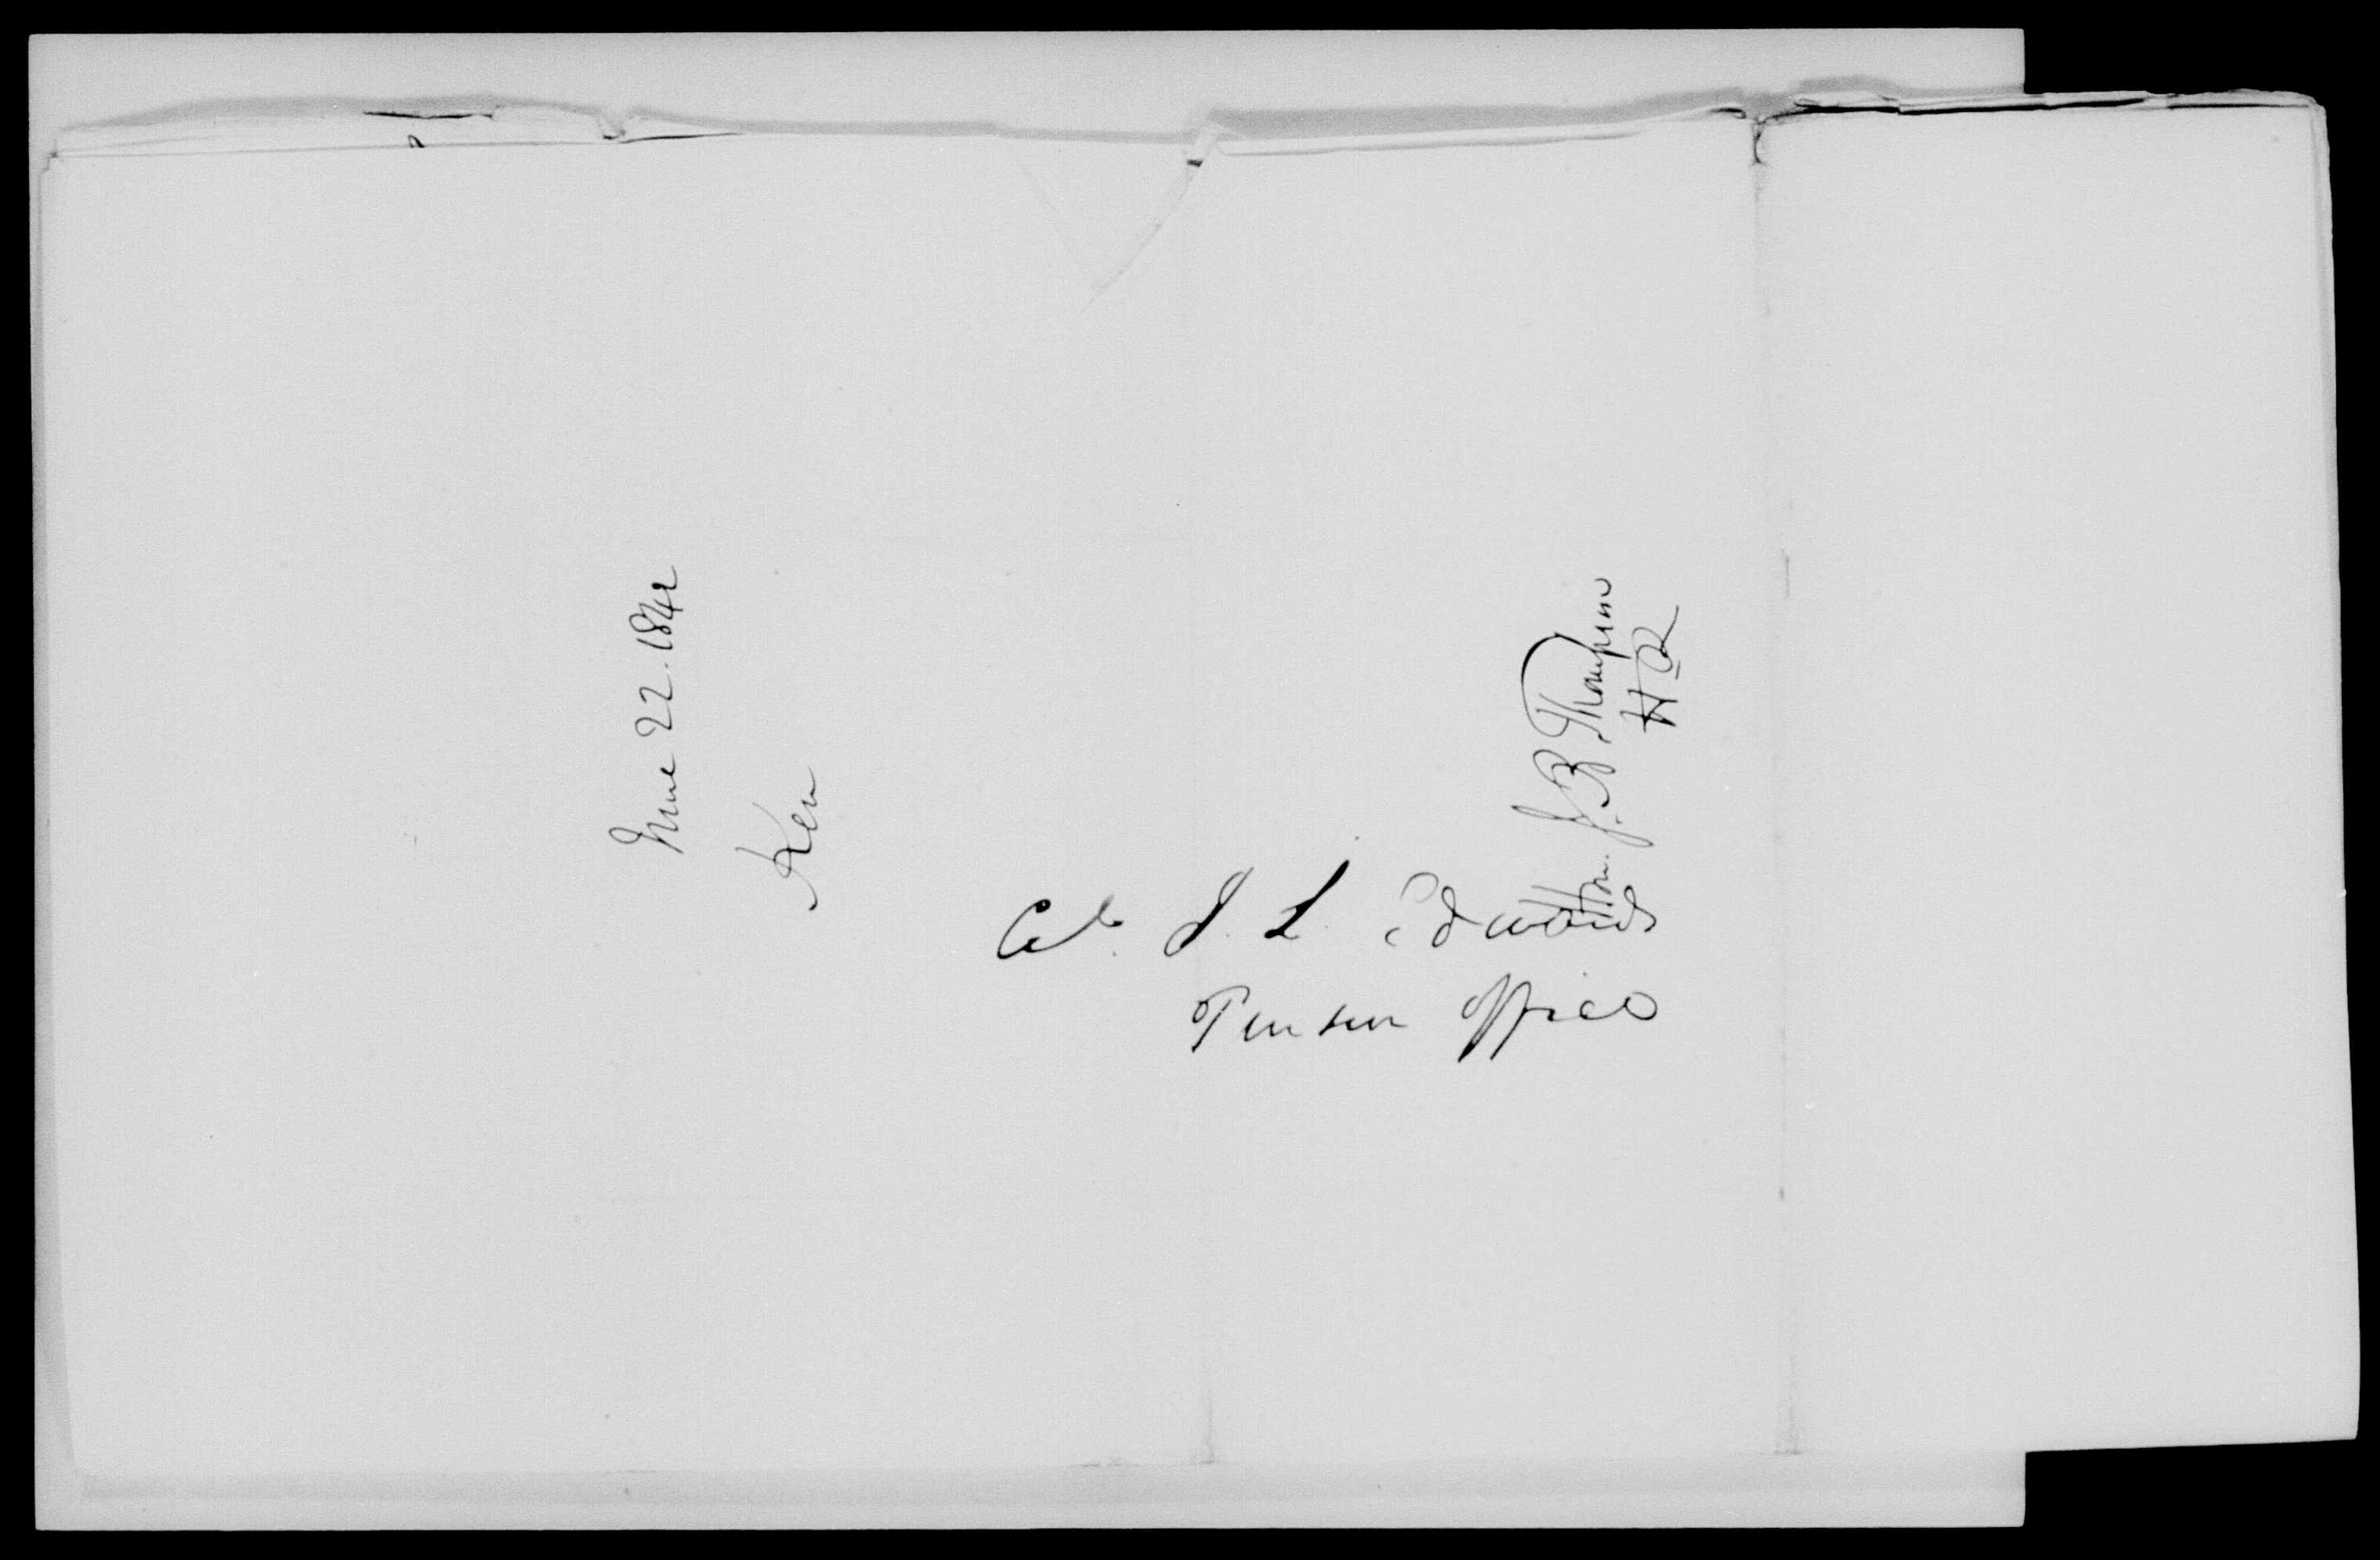J. L. Edward
Pension office
{*June 22 1842 Ken*]
[*Hon J. B. Thompson HR*]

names: J B Thompson; J L Edwards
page: 15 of 16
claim: rejected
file: R 7386, for Philip Morgan, Georgia